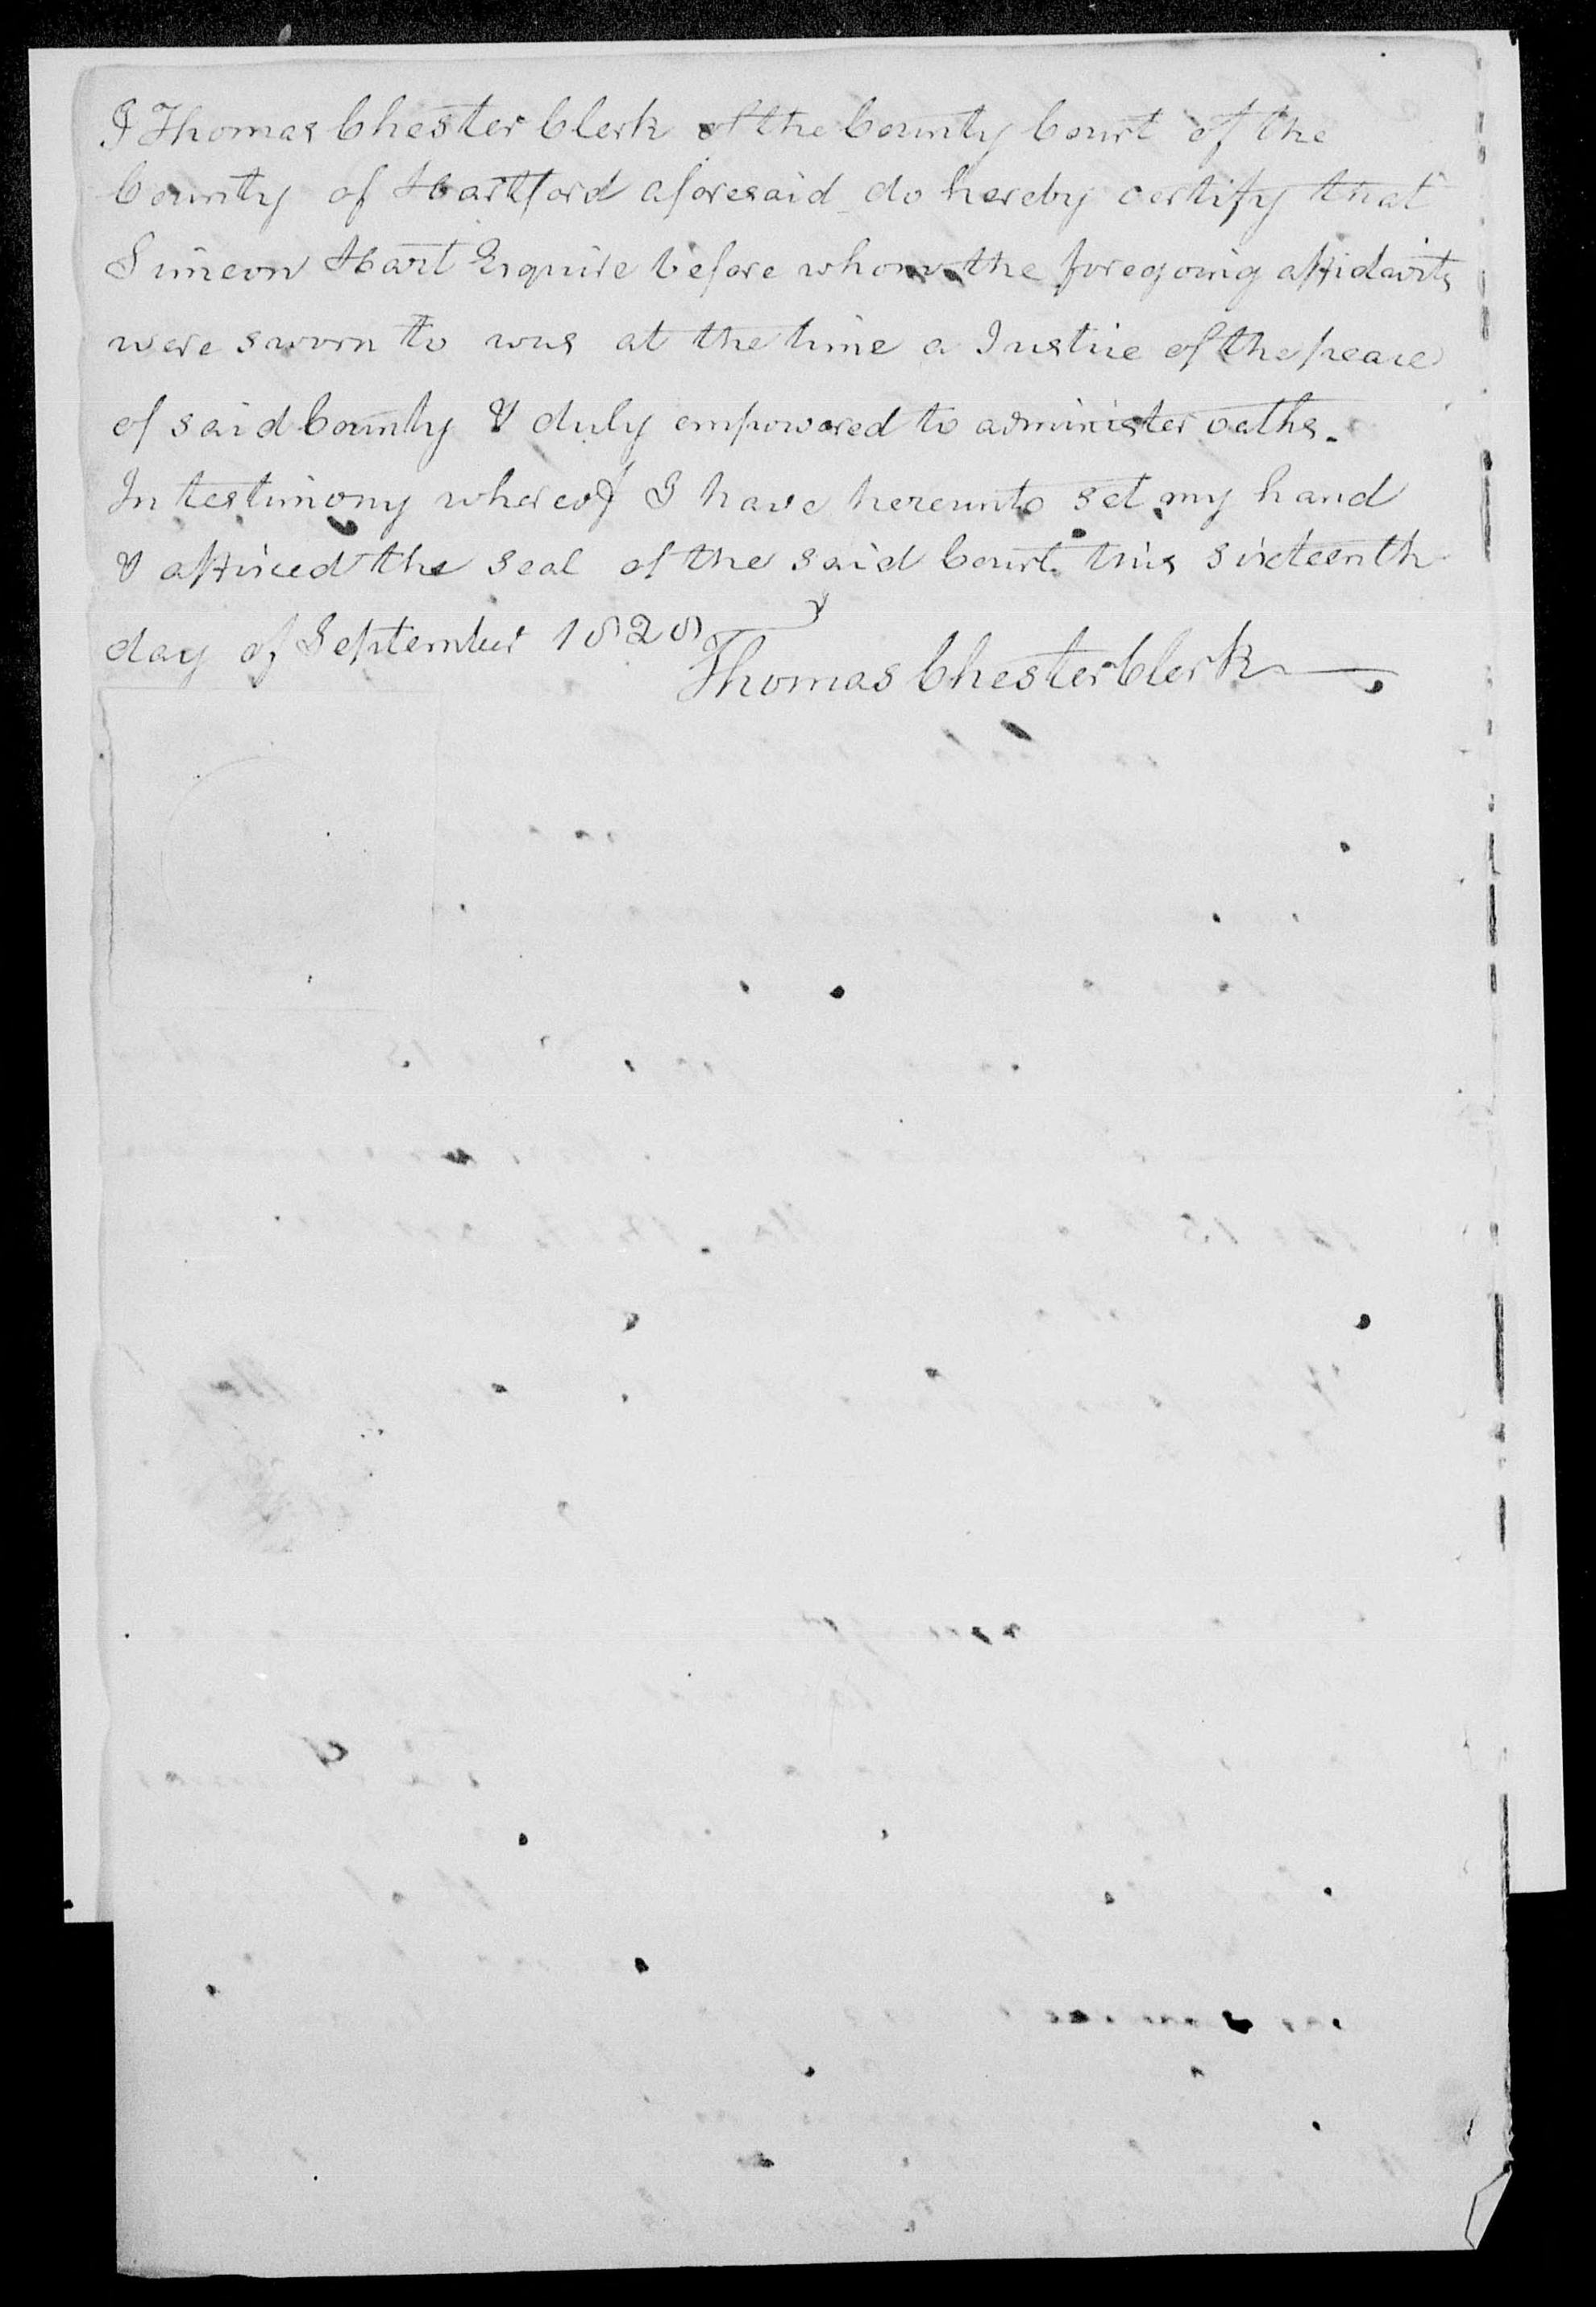I Thomas Chester Clerk of the County Court of the County of Hartford aforesaid do hereby certify that Simeon Hart Esquire before whom the foregoing affidavit was sworn to was at the time a Justice of the Peace of said County & duly empowered to administer oaths.  In testimony whereof I have hereunto set my hand & affixed the seal of the said Court this sixteenth day of September 1828 -

              [Signed]  Thomas Chester Clerk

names: Thomas Chester, Thomas Chester, Simeon Hart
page: 18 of 40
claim: survivor's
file: S. 36,537 And R. 4034, John Gillet, Conn.